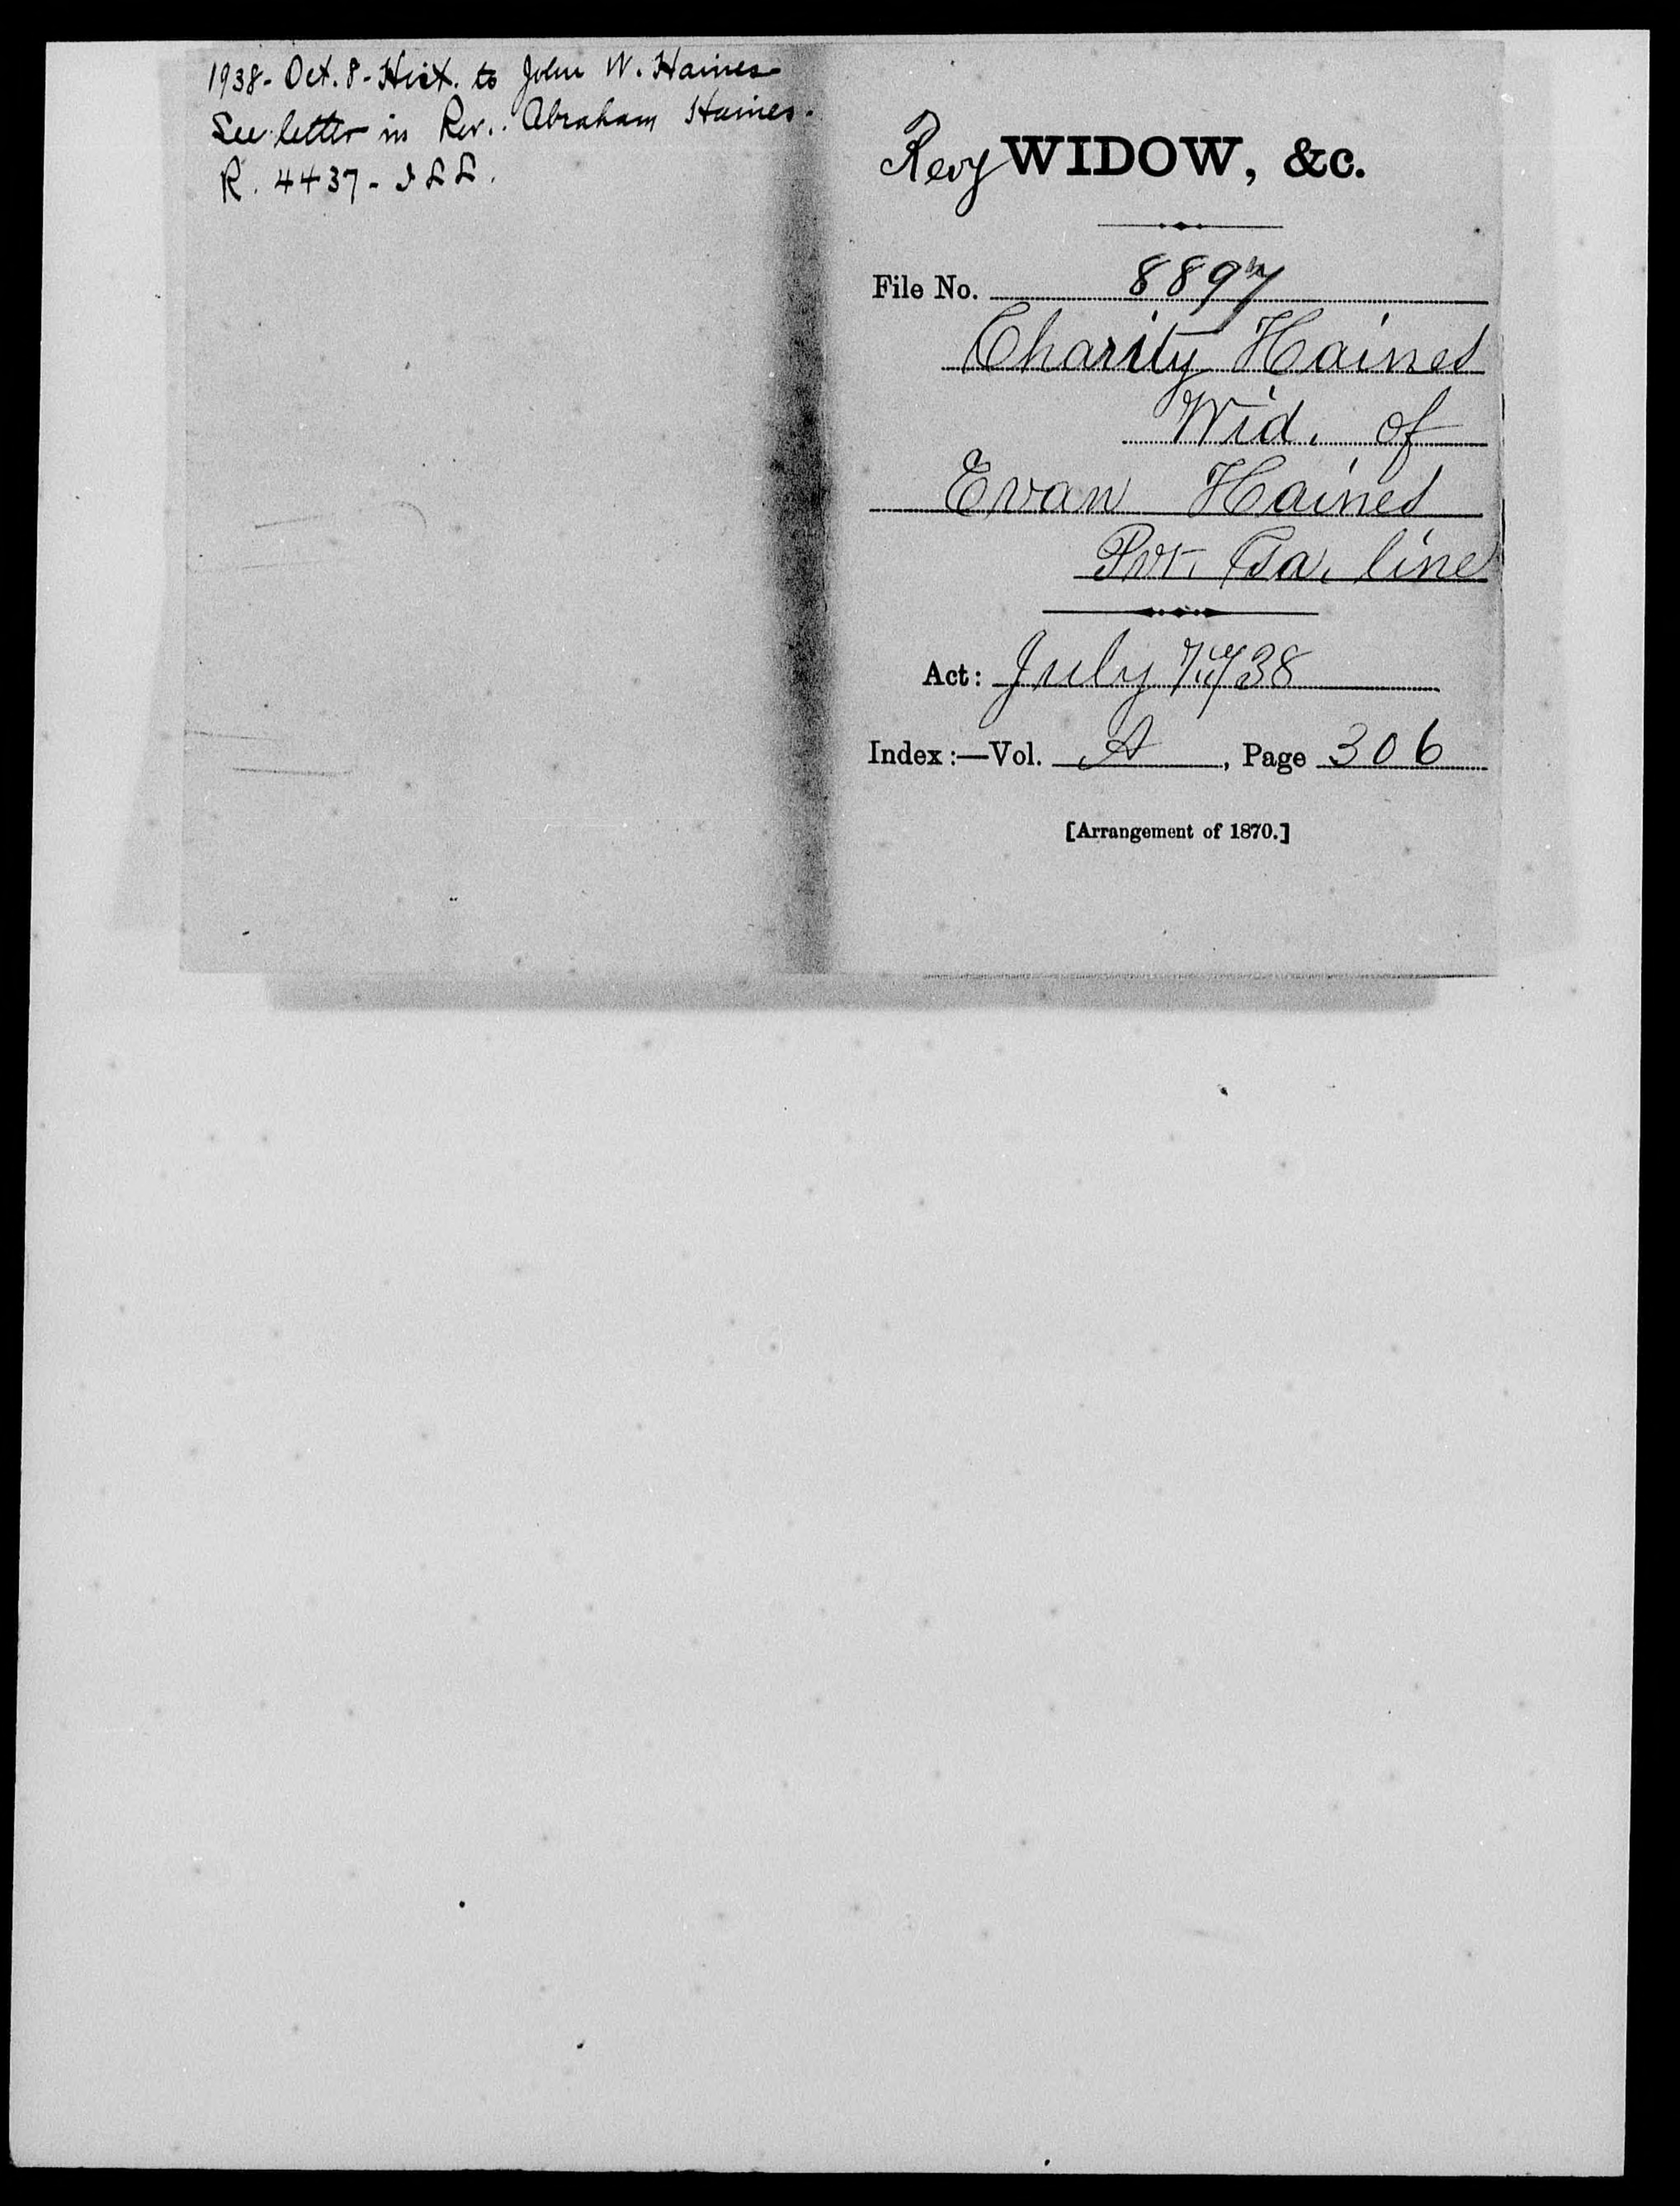1938- Oct. 8- Hist. to John W. Haines
See letter in Rev. Abraham Haines.
R 4437-ILL

Revy, WIDOW @ c.
File No. 8897
Charity Haines
Wid. of
Evan Haines
Pri. Rsa. line
Act. July 7 88
Index:- Vol. A, Page 306
{Arrangement of 1870}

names: Charity Haines, John W Haines, Abraham Haines, Evan Haines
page: 29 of 34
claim: widow's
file: W. 8897, Evan Haines, Ga